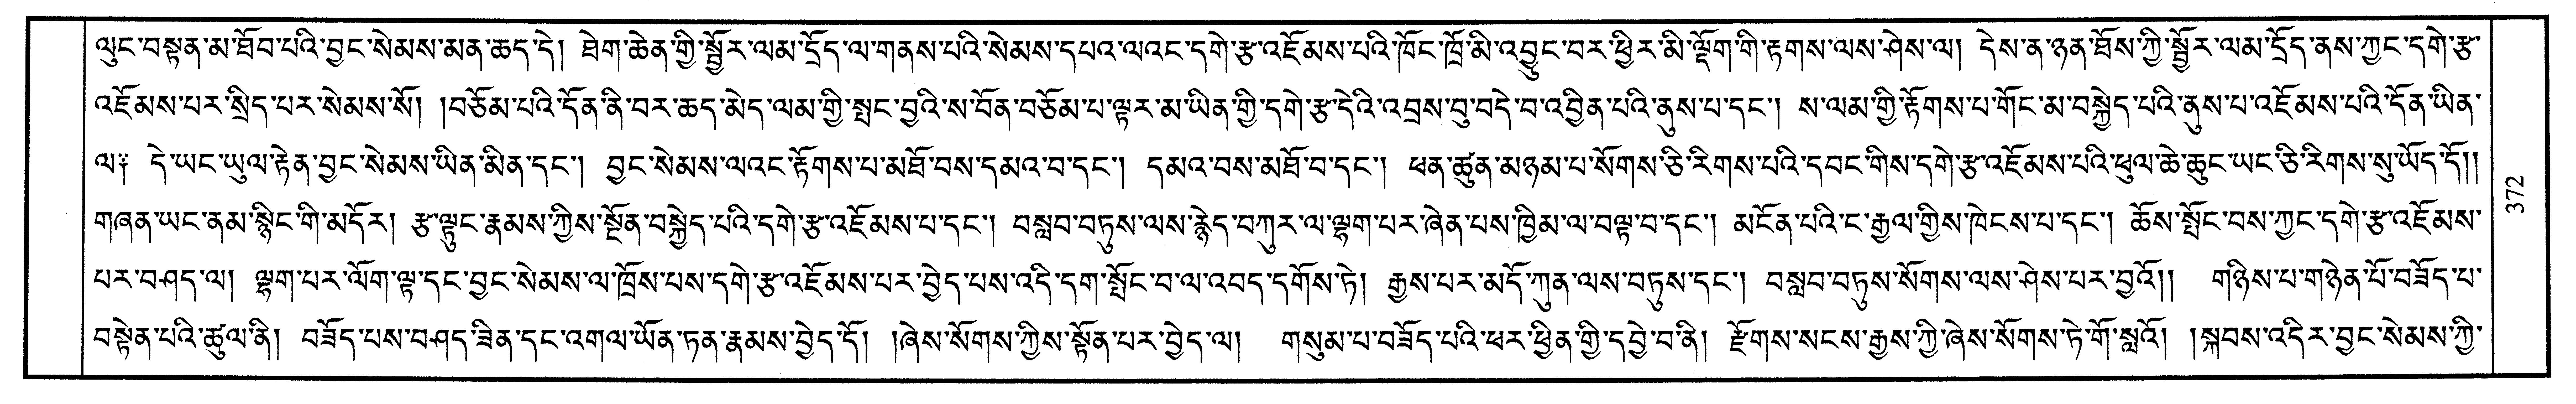ལུང་བསྟན་མ་ཐོབ་པའི་བྱང་སེམས་མན་ཆད་དེ། ཐེག་ཆེན་གྱི་སྦྱོར་ལམ་དྲོད་ལ་གནས་པའི་སེམས་དཔའ་ལའང་དགེ་རྩ་འཇོམས་པའི་ཁོང་ཁྲོ་མི་འབྱུང་བར་ཕྱིར་མི་ལྡོག་གི་རྟགས་ལས་ཤེས་ལ། དེས་ན་ཉན་ཐོས་ཀྱི་སྦྱོར་ལམ་དྲོད་ནས་ཀྱང་དགེ་རྩ་
འཇོམས་པར་སྲིད་པར་སེམས་སོ། །བཅོམ་པའི་དོན་ནི་བར་ཆད་མེད་ལམ་གྱི་སྤང་བྱའི་ས་བོན་བཅོམ་པ་ལྟར་མ་ཡིན་གྱི་དགེ་རྩ་དེའི་འབྲས་བུ་བདེ་བ་འབྱིན་པའི་ནུས་པ་དང་། ས་ལམ་གྱི་རྟོགས་པ་གོང་མ་བསྐྱེད་པའི་ནུས་པ་འཇོམས་པའི་དོན་ཡིན་
ལ༑ དེ་ཡང་ཡུལ་རྟེན་བྱང་སེམས་ཡིན་མིན་དང་། བྱང་སེམས་ལའང་རྟོགས་པ་མཐོ་བས་དམའ་བ་དང་། དམའ་བས་མཐོ་བ་དང་། ཕན་ཚུན་མཉམ་པ་སོགས་ཅི་རིགས་པའི་དབང་གིས་དགེ་རྩ་འཇོམས་པའི་ཕུལ་ཆེ་ཆུང་ཡང་ཅི་རིགས་སུ་ཡོད་དོ།།
གཞན་ཡང་ནམ་སྙིང་གི་མདོར། རྩ་ལྟུང་རྣམས་ཀྱིས་སྔོན་བསྐྱེད་པའི་དགེ་རྩ་འཇོམས་པ་དང་། བསླབ་བཏུས་ལས་རྙེད་བཀུར་ལ་ལྷག་པར་ཞེན་པས་ཁྱིམ་ལ་བལྟ་བ་དང་། མངོན་པའི་ང་རྒྱལ་གྱིས་ཁེངས་པ་དང་། ཆོས་སྤོང་བས་ཀྱང་དགེ་རྩ་འཇོམས་
པར་བཤད་ལ། ལྷག་པར་ལོག་ལྟ་དང་བྱང་སེམས་ལ་ཁྲོས་པས་དགེ་རྩ་འཇོམས་པར་བྱེད་པས་འདི་དག་སྤོང་བ་ལ་འབད་དགོས་ཏེ། རྒྱས་པར་མདོ་ཀུན་ལས་བཏུས་དང་། བསླབ་བཏུས་སོགས་ལས་ཤེས་པར་བྱའོ།། གཉིས་པ་གཉེན་པོ་བཟོད་པ་
བསྟེན་པའི་ཚུལ་ནི། བཟོད་པས་བཤད་ཟིན་དང་འགལ་ཡོན་ཏན་རྣམས་བྱེད་དོ། །ཞེས་སོགས་ཀྱིས་སྟོན་པར་བྱེད་ལ། གསུམ་པ་བཟོད་པའི་ཕར་ཕྱིན་གྱི་དབྱེ་བ་ནི། རྫོགས་སངས་རྒྱས་ཀྱི་ཞེས་སོགས་ཏེ་གོ་སླའོ། །སྐབས་འདིར་བྱང་སེམས་ཀྱི་